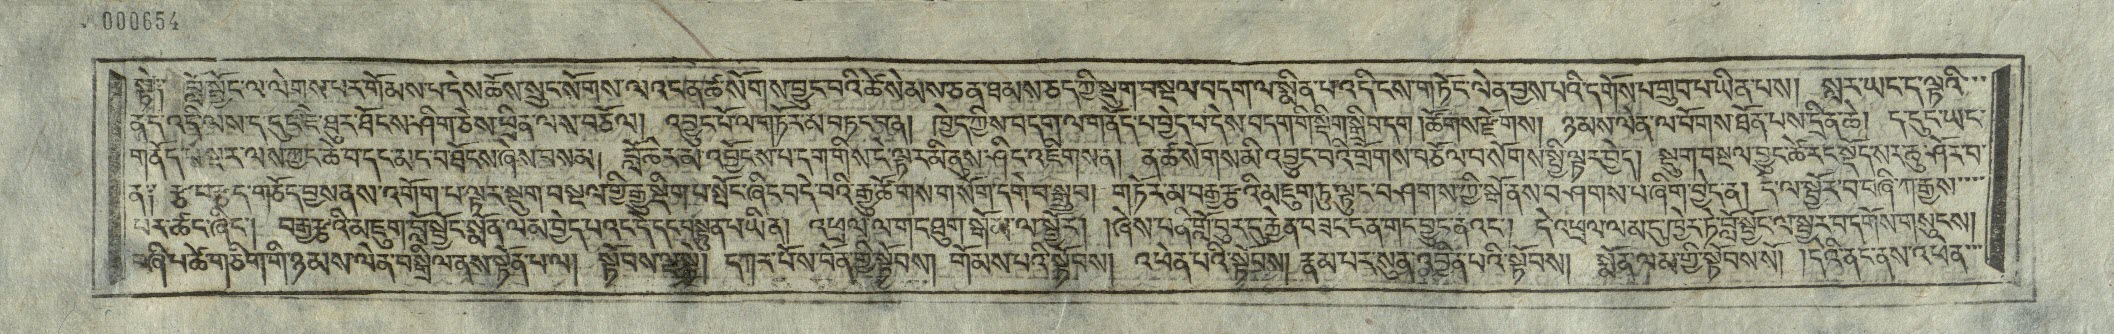སྟེ༑ བློ་སྦྱོང་ལ་ལེགས་པར་གོམས་པ་དེས་ཆོས་སྲུང་སོགས་ལའང་ན་ཚ་སོགས་བྱུང་བའི་ཚེ་སེམས་ཅན་ཐམས་ཅད་ཀྱི་སྡུག་བསྔལ་བདག་ལ་སྨིན་པ་འདི་ངས་གཏོང་ལེན་བྱས་པའི་དགོས་པ་གྲུབ་པ་ཡིན་པས། སླར་ཡང་ད་ལྟའི་
ནད་འདི་ལས་ད་དུང་ཇེ་ཐུར་ཐོངས་ཤིག་ཅེས་ཕྲིན་ལས་བཅོལ། འབྱུང་པོ་ལ་གཏོར་མ་བཏང་བ་ན། ཁྱེད་ཀྱིས་བདག་ལ་གནོད་པ་བྱེད་པ་དེས་བདག་གི་སྡིག་སྒྲིབ་དག །ཚོགས་རྫོགས། ཉམས་ལེན་ལ་བོགས་ཐོན་པས་དྲིན་ཆེ། ད་དུང་ཡང་
གནོད་པ་སྔར་ལས་ཀྱང་ཆེ་བ་དང་མང་བ་ཐོངས་ཞེས་བསམ། བློ་ཆེར་མ་འབྱོངས་པ་དག་གིས་དེ་ལྟར་མི་ནུས་ཤིང་འཇིགས་ན། ན་ཚ་སོགས་མི་འབྱུང་བའི་གྲོགས་བཅོལ་བ་སོགས་སྤྱི་ལྟར་བྱེད། སྡུག་བསྔལ་བྱུང་ཚེ་རང་སྡོད་སར་ཆུ་ཤོར་བ་
ན༑ རྩ་བ་རྩད་གཅོད་བྱས་ནས་འགོག་པ་ལྟར་སྡུག་བསྔལ་གྱི་རྒྱུ་སྡིག་པ་སྤོང་ཞིང་བདེ་བའི་རྒྱུ་ཚོགས་གསོག་དགེ་བ་སྒྲུབ། གཏོར་མ་བརྒྱ་རྩའི་མཇུག་ཏུ་ལྟུང་བཤགས་ཀྱི་སྒོ་ནས་བཤགས་པ་ཞིག་བྱེད་ན། དེ་ལ་སྦྱོར་བ་བཞི་ཀ་རྒྱས་
པར་ཚང་ཞིང་། བརྒྱ་རྩའི་མཇུག་བློ་སྦྱོང་སྨོན་ལམ་བྱེད་པའང་དེ་དང་བསྟུན་པ་ཡིན། འཕྲལ་ལ་གང་ཐུག་སྒོམ་ལ་སྦྱོར། །ཞེས་པ་ནི་གློ་བུར་དུ་རྐྱེན་བཟང་ངན་གང་བྱུང་ནའང་། དེ་འཕྲལ་ལམ་དུ་ཁྱེར་ཏེ་བློ་སྦྱོང་ལ་སྦྱར་བ་དགོས་གསུངས།
བཞི་པ་ཚེ་གཅིག་གི་ཉམས་ལེན་བསྒྲིལ་ནས་སྟོན་པ་ལ། སྟོབས་ལྔ་སྟེ། དཀར་པོ་ས་བོན་གྱི་སྟོབས། གོམས་པའི་སྟོབས། འཕེན་པའི་སྟོབས། རྣམ་པར་སུན་འབྱིན་པའི་སྟོབས། སྨོན་ལམ་གྱི་སྟོབས་སོ། །དེའི་ནང་ནས་འཕེན་